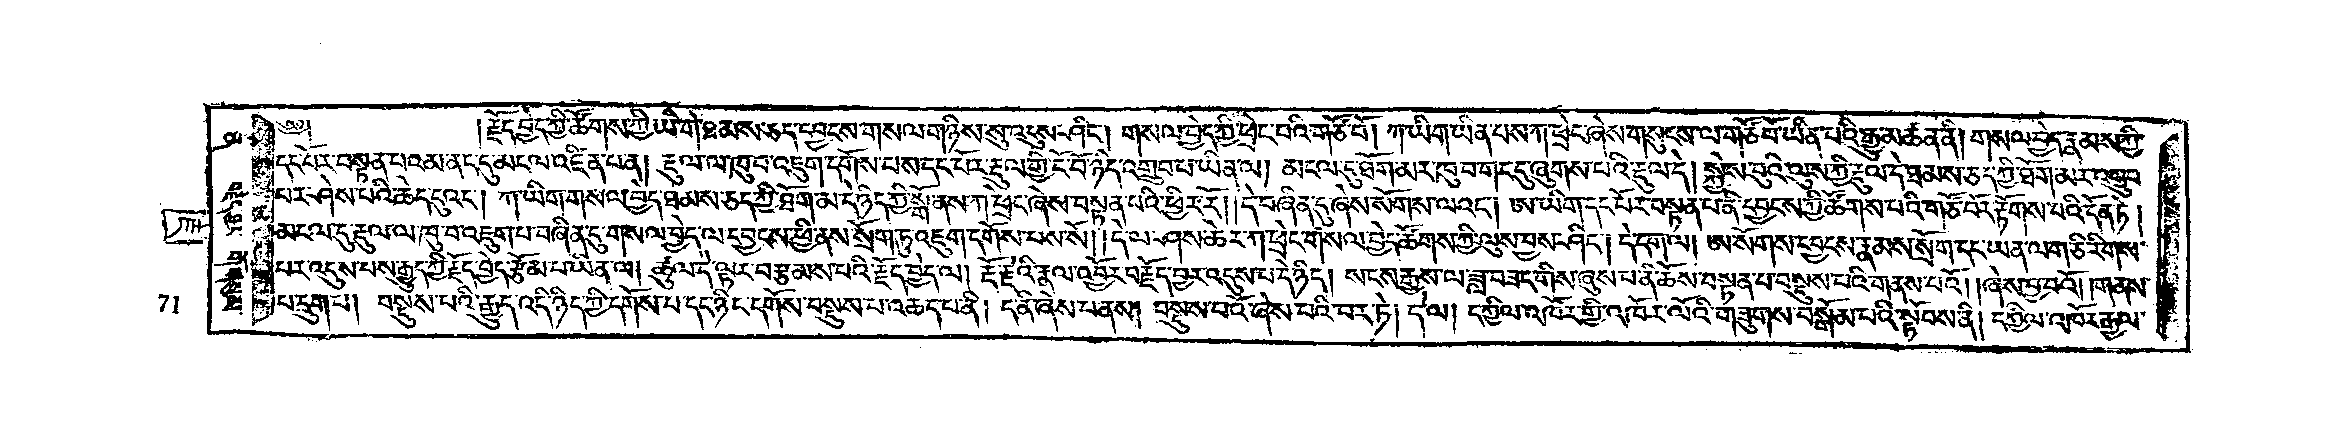༄༅། །རྗོད་བྱེད་ཀྱི་ཚོགས་ཀྱི་ཡི་གེ་ཐམས་ཅད་དབྱངས་གསལ་གཉིས་སུ་འདུས་ཤིང་། གསལ་བྱེད་ཀྱི་ཕྲེང་བའི་གཙོ་བོ། ཀ་ཡིག་ཡིན་པས་ཀ་ཕྲེང་ཞེས་གསུངས་ལ་གཙོ་བོ་ཡིན་པའི་རྒྱུ་མཚན་ནི། གསལ་བྱེད་རྣམས་ཀྱི་
དང་པོར་བསྟན་པའམ་ནང་དུ་མངལ་འཛིན་པ་ན། རྡུལ་ལ་ཁུ་བ་འཇུག་དགོས་པས་དང་པོར་རྡུལ་གྱི་ངོ་བོ་ཉིད་འགྲུབ་པ་ཡིན་ལ། མངལ་དུ་ཐོག་མར་ཁུ་བ་གང་དུ་ཞུགས་པའི་རྡུལ་དེ། སྐྱེས་བུའི་ལུས་ཀྱི་རྡུལ་དེ་ཐམས་ཅད་ཀྱི་ཐོག་མར་འགྲུབ་
པར་ཤེས་པའི་ཆེད་དུའང་། ཀ་ཡིག་གསལ་བྱེད་ཐམས་ཅད་ཀྱི་ཐོག་མ་དེ་ཉིད་ཀྱི་སྒོ་ནས་ཀ་ཕྲེང་ཞེས་བསྟན་པའི་ཕྱིར་རོ། །དེ་བཞིན་དུ་ཞེས་སོགས་ལའང་། ཨ་ཡིག་དང་པོར་བསྟན་པ་ནི་དབྱངས་ཀྱི་ཚོགས་པའི་གཙོ་བོར་རྟོགས་པའི་དོན་ཏེ།
མངལ་དུ་རྡུལ་ལ་ཁུ་བ་འཇུག་པ་བཞིན་དུ་གསལ་བྱེད་ལ་དབྱངས་ཕྱི་ནས་སྲོག་ཏུ་འཇུག་དགོས་པས་སོ། །དེ་ལ་ཤས་ཆེར་ཀ་ཕྲེང་གསལ་བྱེད་ཚོགས་ཀྱི་ལུས་བྱས་ཤིང་། དེ་དག་ལ། ཨ་སོགས་དབྱངས་རྣམས་སྲོག་དང་ཡན་ལག་ཅི་རིགས་
པར་འདུས་པས་རྒྱུད་ཀྱི་རྗོད་བྱེད་རྩོམ་པ་ཡིན་ལ། ཚུལ་དེ་ལྟར་བརྩམས་པའི་རྗོད་བྱེད་ལ། རྡོ་རྗེའི་རྣལ་འབྱོར་བརྗོད་བྱར་འདུས་པ་དེ་ཉིད། སངས་རྒྱས་ལ་ཟླ་བཟང་གིས་ཞུས་པ་ནི་ཆོས་བསྟན་པ་བསྡུས་པའི་གནས་པའོ། །ཞེས་བྱ་བའོ། །གནས་
པ་དྲུག་པ། བསྡུས་པའི་རྒྱུད་འདི་ཉིད་ཀྱི་དགོས་པ་དང་ཉིད་དགོས་བསྡུས་པ་འཆད་པ་ནི། ད་ནི་ཞེས་པ་ནས། བསྡུས་པའོ་ཞེས་པའི་བར་ཏེ། དེ་ལ། དཀྱིལ་འཁོར་གྱི་འཁོར་ལོའི་གཟུགས་བསྒོམ་པའི་སྟོབས་ནི། དཀྱིལ་འཁོར་རྒྱལ་